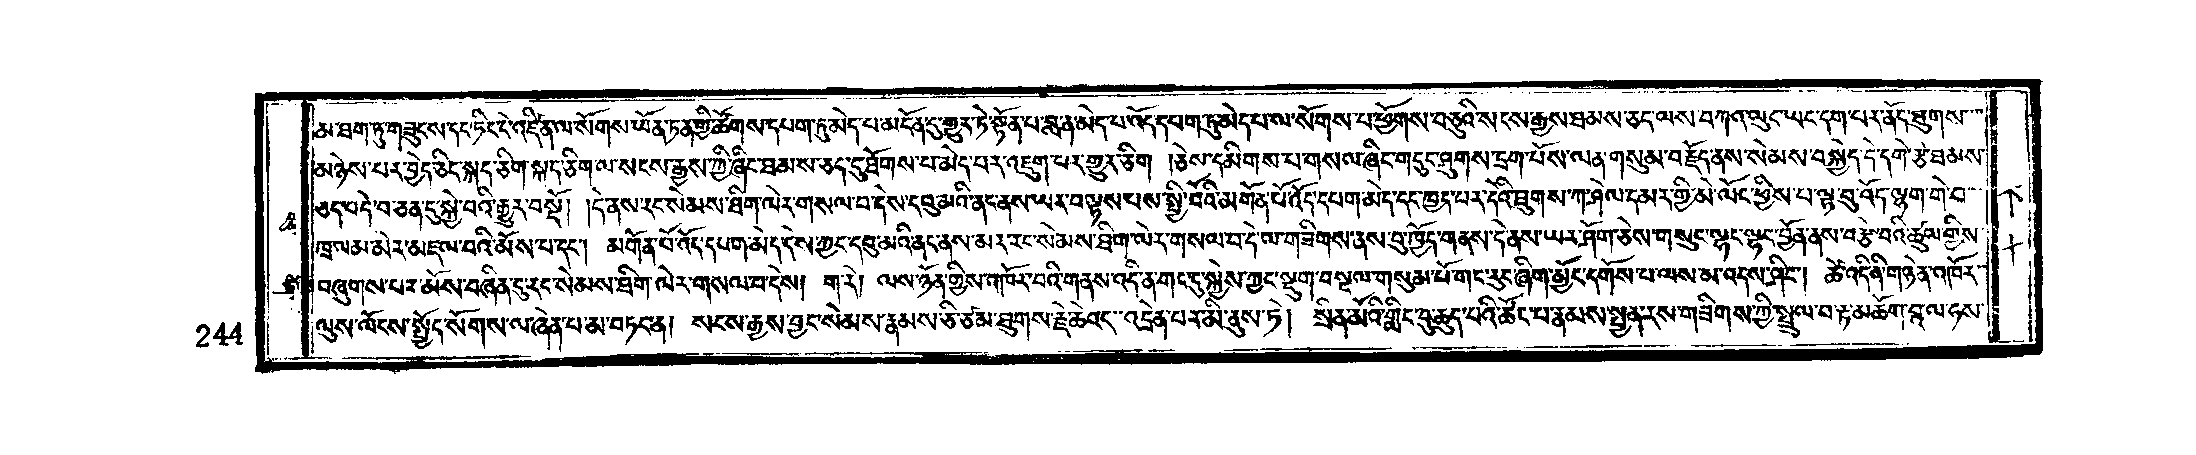མ་ཐག་ཏུ་གཟུངས་དང་ཏིང་ངེ་འཛིན་ལ་སོགས་ཡོན་ཏན་གྱི་ཚོགས་དཔག་ཏུ་མེད་པ་མངོན་དུ་གྱུར་ཏེ་སྟོན་པ་བླ་ན་མེད་པ་འོད་དཔག་ཏུ་མེད་པ་ལ་སོགས་པ་ཕྱོགས་བཅུའི་སངས་རྒྱས་ཐམས་ཅད་ལས་བཀའ་ལུང་ཡང་དག་པར་ནོད་ཐུགས་
མཉེས་པར་བྱེད་ཅིང་སྐད་ཅིག་སྐད་ཅིག་ལ་སངས་རྒྱས་ཀྱི་ཞིང་ཐམས་ཅད་དུ་ཐོགས་པ་མེད་པར་འཇུག་པར་གྱུར་ཅིག །ཅེས་དམིགས་པ་གསལ་ཞིང་གདུང་ཤུགས་དྲག་པོས་ལན་གསུམ་བརྗོད་ནས་སེམས་བསྐྱེད་དེ་དགེ་རྩ་ཐམས་
ཅད་བདེ་བ་ཅན་དུ་སྐྱེ་བའི་རྒྱུར་བསྔོ། །དེ་ནས་རང་སེམས་ཐིག་ལེར་གསལ་བ་དེས་དབུ་མའི་ནང་ནས་ཡར་བལྟས་པས་སྤྱི་བོའི་མགོན་པོ་འོད་དཔག་མེད་དང་ཁྱད་པར་དེའི་ཐུགས་ཀ་ཤེལ་དམར་གྱི་མེ་ལོང་ཕྱིས་པ་ལྟ་བུ་འོད་ལྷག་གེ་བ་
ཁྲ་ལམ་མེར་མཇལ་བའི་མོས་པ་དང་། མགོན་པོ་འོད་དཔག་མེད་དེས་ཀྱང་དབུ་མའི་ནང་ནས་མར་རང་སེམས་ཐིག་ལེར་གསལ་བ་དེ་ལ་གཟིགས་ནས་བུ་ཁྱོད་གནས་དེ་ནས་ཡར་ཤོག་ཅེས་གསུང་ལྷང་ལྷང་བྱོན་ནས་བརྩེ་བའི་ཚུལ་གྱིས་
བཞུགས་པར་མོས་བཞིན་དུ་རང་སེམས་ཐིག་ལེར་གསལ་བ་དེས། ག་རེ། ལས་ཉོན་གྱིས་འཁོར་བའི་གནས་འདི་ན་གང་དུ་སྐྱེས་ཀྱང་སྡུག་བསྔལ་གསུམ་པོ་གང་རུང་ཞིག་མྱོང་དགོས་པ་ལས་མ་འདས་ཤིང་། ཚེ་འདི་ནི་གཉེན་འཁོར་
ལུས་ལོངས་སྤྱོད་སོགས་ལ་ཞེན་པ་མ་བཏང་ན། སངས་རྒྱས་བྱང་སེམས་རྣམས་ཅི་ཙམ་ཐུགས་རྗེ་ཆེའང་འདྲེན་པར་མི་ནུས་ཏེ། སྲིན་མོའི་གླིང་བུ་ཆུད་པའི་ཚོང་པ་རྣམས་སྤྱན་རས་གཟིགས་ཀྱི་སྤྲུལ་བ་རྟ་མཆོག་བཱ་ལ་ཧས་